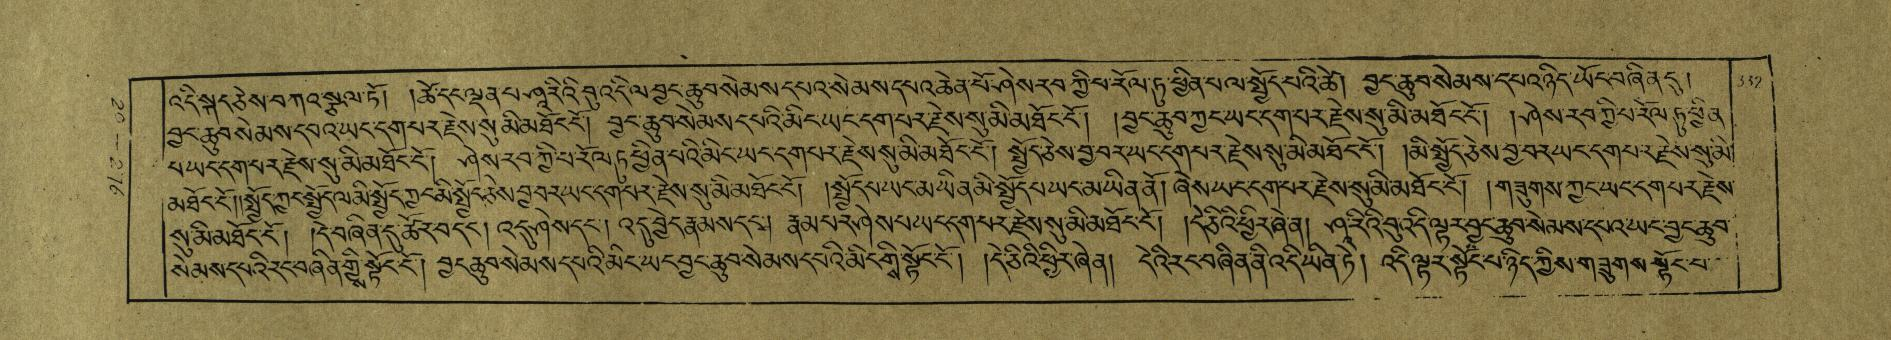འདི་སྐད་ཅེས་བཀའ་སྩལ་ཏོ། །ཚེ་དང་ལྡན་པ་ཤཱ་རིའི་བུ་འདི་ལ་བྱང་ཆུབ་སེམས་དཔའ་སེམས་དཔའ་ཆེན་པོ་ཤེས་རབ་ཀྱི་ཕ་རོལ་ཏུ་ཕྱིན་པ་ལ་སྤྱོད་པའི་ཚེ། བྱང་ཆུབ་སེམས་དཔའ་ཉིད་ཡོད་བཞིན་དུ།
བྱང་ཆུབ་སེམས་དཔའ་ཡང་དག་པར་རྗེས་སུ་མི་མཐོང་ངོ། བྱང་ཆུབ་སེམས་དཔའི་མིང་ཡང་དག་པར་རྗེས་སུ་མི་མཐོང་ངོ། །བྱང་ཆུབ་ཀྱང་ཡང་དག་པར་རྗེས་སུ་མི་མཐོང་ངོ། །ཤེས་རབ་ཀྱི་ཕ་རོལ་ཏུ་ཕྱིན་
པ་ཡང་དག་པར་རྗེས་སུ་མི་མཐོང་ངོ། ཤེས་རབ་ཀྱི་ཕ་རོལ་ཏུ་ཕྱིན་པའི་མིང་ཡང་དག་པར་རྗེས་སུ་མི་མཐོང་ངོ། སྤྱོད་ཅེས་བྱ་བར་ཡང་དག་པར་རྗེས་སུ་མི་མཐོང་ངོ། །མི་སྤྱོད་ཅེས་བྱ་བར་ཡང་དག་པར་རྗེས་སུ་མི་
མཐོང་ངོ། །སྤྱོད་ཀྱང་སྤྱོད་ལ་མི་སྤྱོད་ཀྱང་མི་སྤྱོད་ཅེས་བྱ་བར་ཡང་དག་པར་རྗེས་སུ་མི་མཐོང་ངོ། །སྤྱོད་པ་ཡང་མ་ཡིན་མི་སྤྱོད་པ་ཡང་མ་ཡིན་ནོ། ཞེས་ཡང་དག་པར་རྗེས་སུ་མི་མཐོང་ངོ། །གཟུགས་ཀྱང་ཡང་དག་པར་རྗེས་
སུ་མི་མཐོང་ངོ། །དེ་བཞིན་དུ་ཚོར་བ་དང་། འདུ་ཤེས་དང་། འདུ་བྱེད་རྣམས་དང་། རྣམ་པར་ཤེས་པ་ཡང་དག་པར་རྗེས་སུ་མི་མཐོང་ངོ། །དེ་ཅིའི་ཕྱིར་ཞེ་ན། ཤཱ་རིའི་བུ་འདི་ལྟར་བྱང་ཆུབ་སེམས་དཔའ་ཡང་བྱང་ཆུབ་
སེམས་དཔའི་རང་བཞིན་གྱིས་སྟོང་ངོ། བྱང་ཆུབ་སེམས་དཔའི་མིང་ཡང་བྱང་ཆུབ་སེམས་དཔའི་མིང་གིས་སྟོང་ངོ། །དེ་ཅིའི་ཕྱིར་ཞེ་ན། དེའི་རང་བཞིན་ནི་འདི་ཡིན་ཏེ། འདི་ལྟར་སྟོང་པ་ཉིད་ཀྱིས་གཟུགས་སྟོང་པ་